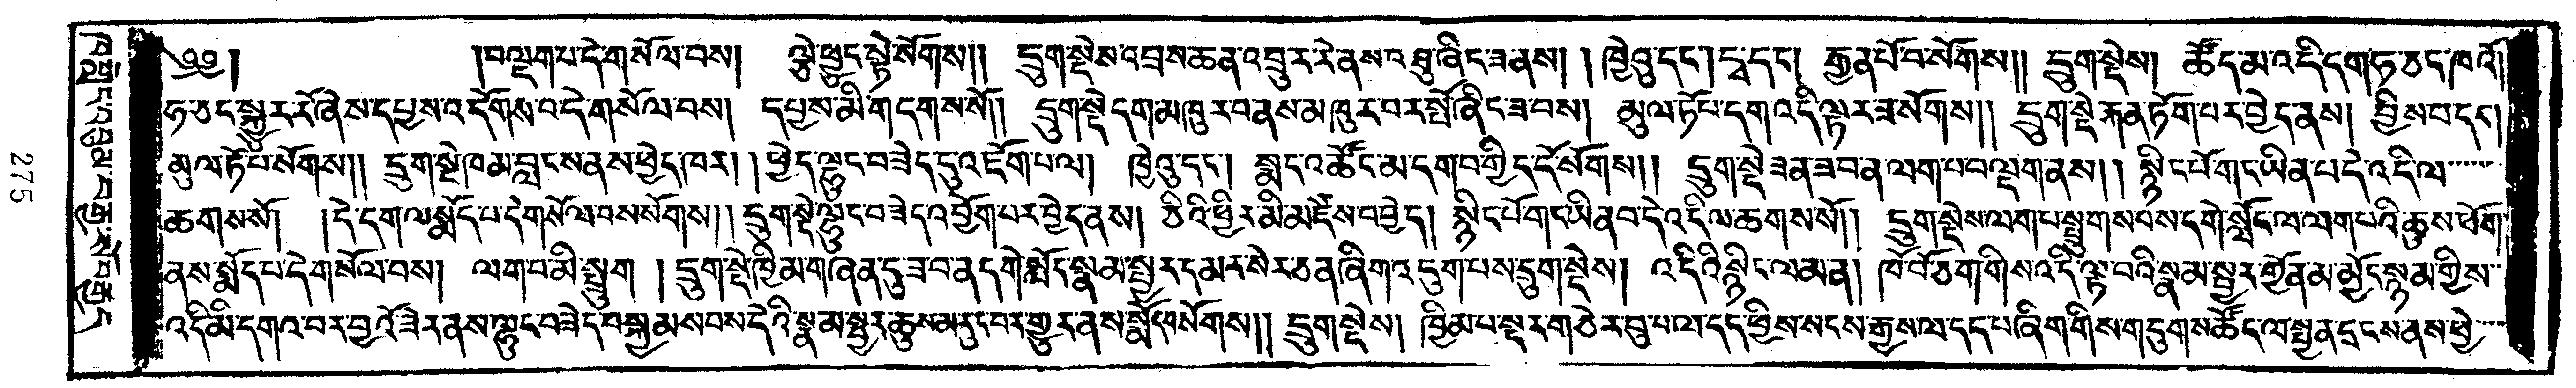༄༅། །བལྡག་པ་དེ་གསོལ་བས། ལྕེ་ཕྱུང་སྟེ་སོགས།། དྲུག་སྡེས་འབྲས་ཆན་འབྲུ་ར་རེ་ནས་འཐུ་ཞིང་ཟ་ནས། །ཁྱེའུ་དང་། དྭ་དང་། རྒྱན་པོ་བ་སོགས།། དྲུག་སྡེས། ཚོད་མ་འདི་དག་ཧ་ཅང་ཁའོ།
ཧ་ཅང་སྐྱུར་རོ་ཞེས་དཔྱས་འདོགས་བ་དེ་གསོལ་བས། དཔྱས་མི་གདགས་སོ།། དྲུག་སྡེ་དག་མཁུར་བ་ནས་མཁུར་བར་སྤོ་ཞིང་ཟ་བས། མུལ་ཏོབ་དག་འདི་ལྟར་ཟ་སོགས།། དྲུག་སྡེ་རྐན་ཏོག་པར་བྱེད་ནས། བྱིས་པ་དང་།
མུལ་ཏོ་པ་སོགས།། དྲུག་སྡེ་ཁམ་བླངས་ནས་ཕྱེད་ཁར། །ཕྱེད་ལྷུང་བཟེད་དུ་འཇོག་པ་ལ། ཁྱེའུ་དང་། སྨད་འཚོང་མ་དག་བགྱིད་དོ་སོགས།། དྲུག་སྡེ་ཟན་ཟ་བ་ན་ལག་པ་བལྡག་ནས། །སྙིང་པོ་གང་ཡིན་པ་དེ་འདི་ལ་
ཆགས་སོ། །དེ་དག་ལ་སྨོད་པ་དེ་གསོལ་བས་སོགས། །དྲུག་སྡེ་ལྷུང་བཟེད་འབྱོག་པར་བྱེད་ནས། ཅིའི་ཕྱིར་མི་མཛེས་བ་བྱེད། སྙིང་པོ་གང་ཡིན་པ་དེ་འདི་ལ་ཆགས་སོ།། དྲུག་སྡེས་ལག་པ་སྤྲུགས་པས་དགེ་སློང་ལ་ལག་པའི་ཆུས་ཕོག་
ནས་སྨོད་པ་དེ་གསོལ་བས། ལག་པ་མི་སྤྲུག །དྲུག་སྡེ་ཁྱིམ་གཞན་དུ་ཟ་བ་ན་དགེ་སློང་སྣམ་སྦྱར་དམར་སེར་ཅན་ཞིག་འདུག་པས་དྲུག་སྡེས། འདིའི་སྙིང་ལམ་ན། ཁོ་བོ་ཅག་གིས་འདི་ལྟ་བའི་སྣམ་སྦྱར་གྱོན་མ་མྱོང་སྙམ་གྱིས་
འདི་མི་དགའ་བར་བྱའོ་ཟེར་ནས་ལྷུང་བཟེད་བསྐྱམས་པས་དེའི་སྣམ་སྦྱར་ཆུས་མ་རུང་བར་གྱུར་ནས་སྨོང་བ་སོགས།། དྲུག་སྡེས། ཁྱིམ་པ་སྔར་གཅེར་བུ་པ་ལ་དད་ཕྱིས་སངས་རྒྱས་ལ་དད་པ་ཞིག་གིས་གདུགས་ཚོད་ལ་སྤྱན་དྲངས་ནས་ཕྱེ་